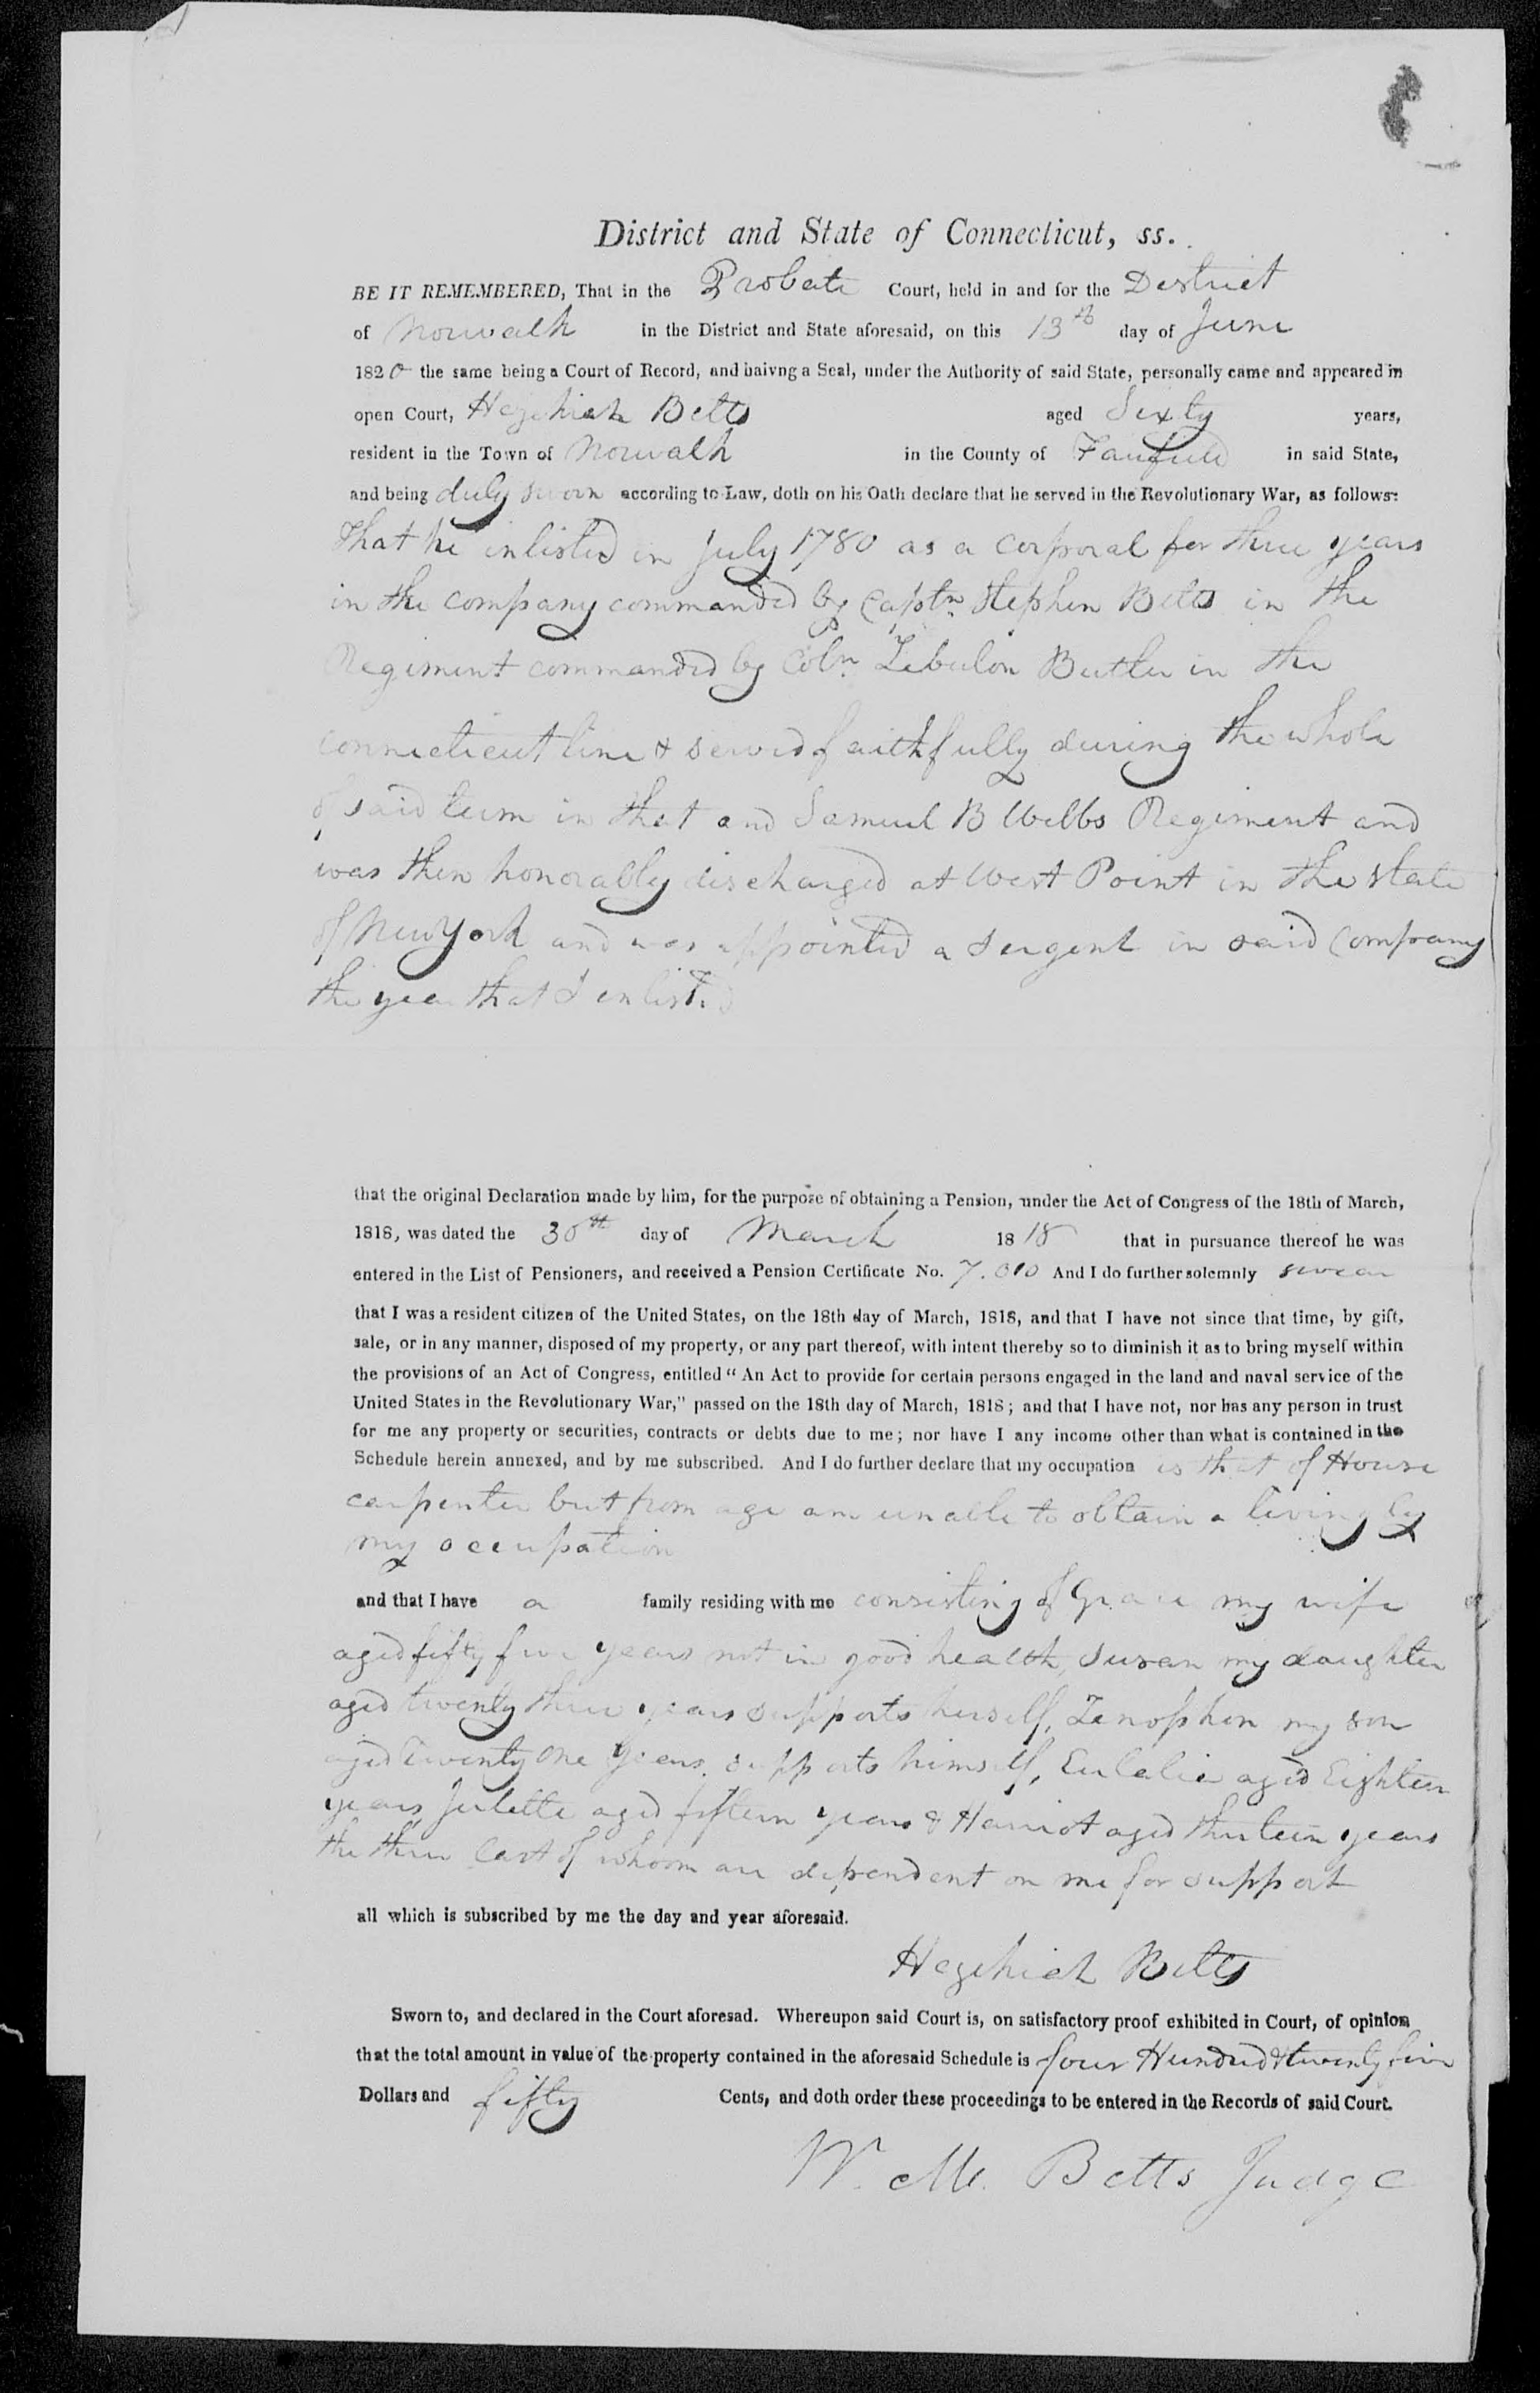District and State of Connecticut, ss.
BE IT REMEBERED, That in the Probate Court, held in and for the District of Norwalk in the District and State aforesaid, on this 13th day of June 1820 the same being a Court of Record, and having a Seal, under the Authority of said State, personally came and appeared in open Court, Hezekiah Betts aged sixty years, resident in the Town of Norwalk in the County of Fairfield in said State, and being sworn according to Law, doth on his Oath declare that he served in the Revolutionary War, as follows:
That he enlisted in July 1780 as a corporal for three years in the company commanded by Capt. Stephen Betts in the Regiment commanded by Col. Zebulon Butler in the Connecticut line & served faithfully during the whole of said term in that and Samuel B Webbs Regiment and was then honorable discharged at West point in the State of New York and was appointed a sergeant in said company the year that I enlisted,
that the original Declaration made by him, for the purpose of obtaining a Pension, under the Act of Congress of the 18th of March, 1818, was dated the 30th day of March 1818 that in pursuance thereof he was entered in the List of Pensioners, and received a Pension Certificate No. 7010. And I do further solemnly swear that I was a resident citizen of the United States, on the 18th day of March, 1818, and that I have not since that time, by gift, sale, or in any manner, disposed of my property, or any part thereof, with intent hereby so to diminish it as to being myself within the provisions of an Act of Congress, entitled "An Act to provide for certain persons engaged in the land and naval service of the United States in the Revolutionary War," passed on the 18th day of March, 1818; and that I have not, nor has any person in trust for me any property or securities, contracts or debts due to me; nor have I any income other that what is contained in the Schedule herein annexed, and by me subscribed. And I do further declare that my occupation is that of House carpenter but from age am unable to obtain a living by my occupation and that I have a family residing with me consisting of Grace my wife aged fifty five years not in good health, Susan my daughter aged twenty three years supports herself, Zenbulon my son aged twenty one years supports himself, Euleline aged eighteen years, Julette aged fifteen years, & Harriet aged thirteen years the three last of whom are dependent on me for support all which is subscribed by me the day and year aforesaid.
Hezekiah Betts
Sworn to, and declared in the Court aforesaid. Whereupon said Court is, on satisfactory proof exhibited in Court, of opinion that the total amount in value of the property contained in the aforesaid Schedule is four hundred & twenty five Dollars and fifty Cents, and doth order these proceedings to be entered in the Records of said Court.
W. M. Betts Judge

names: Hezekiah Betts, Hezekiah Betts, Zenophon, Stephen Betts, W M Betts, Zebulon Butler, Harriet, Julette, Grace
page: 41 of 61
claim: widow's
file: W. 29,929, Hezekiah Betts, Conn.